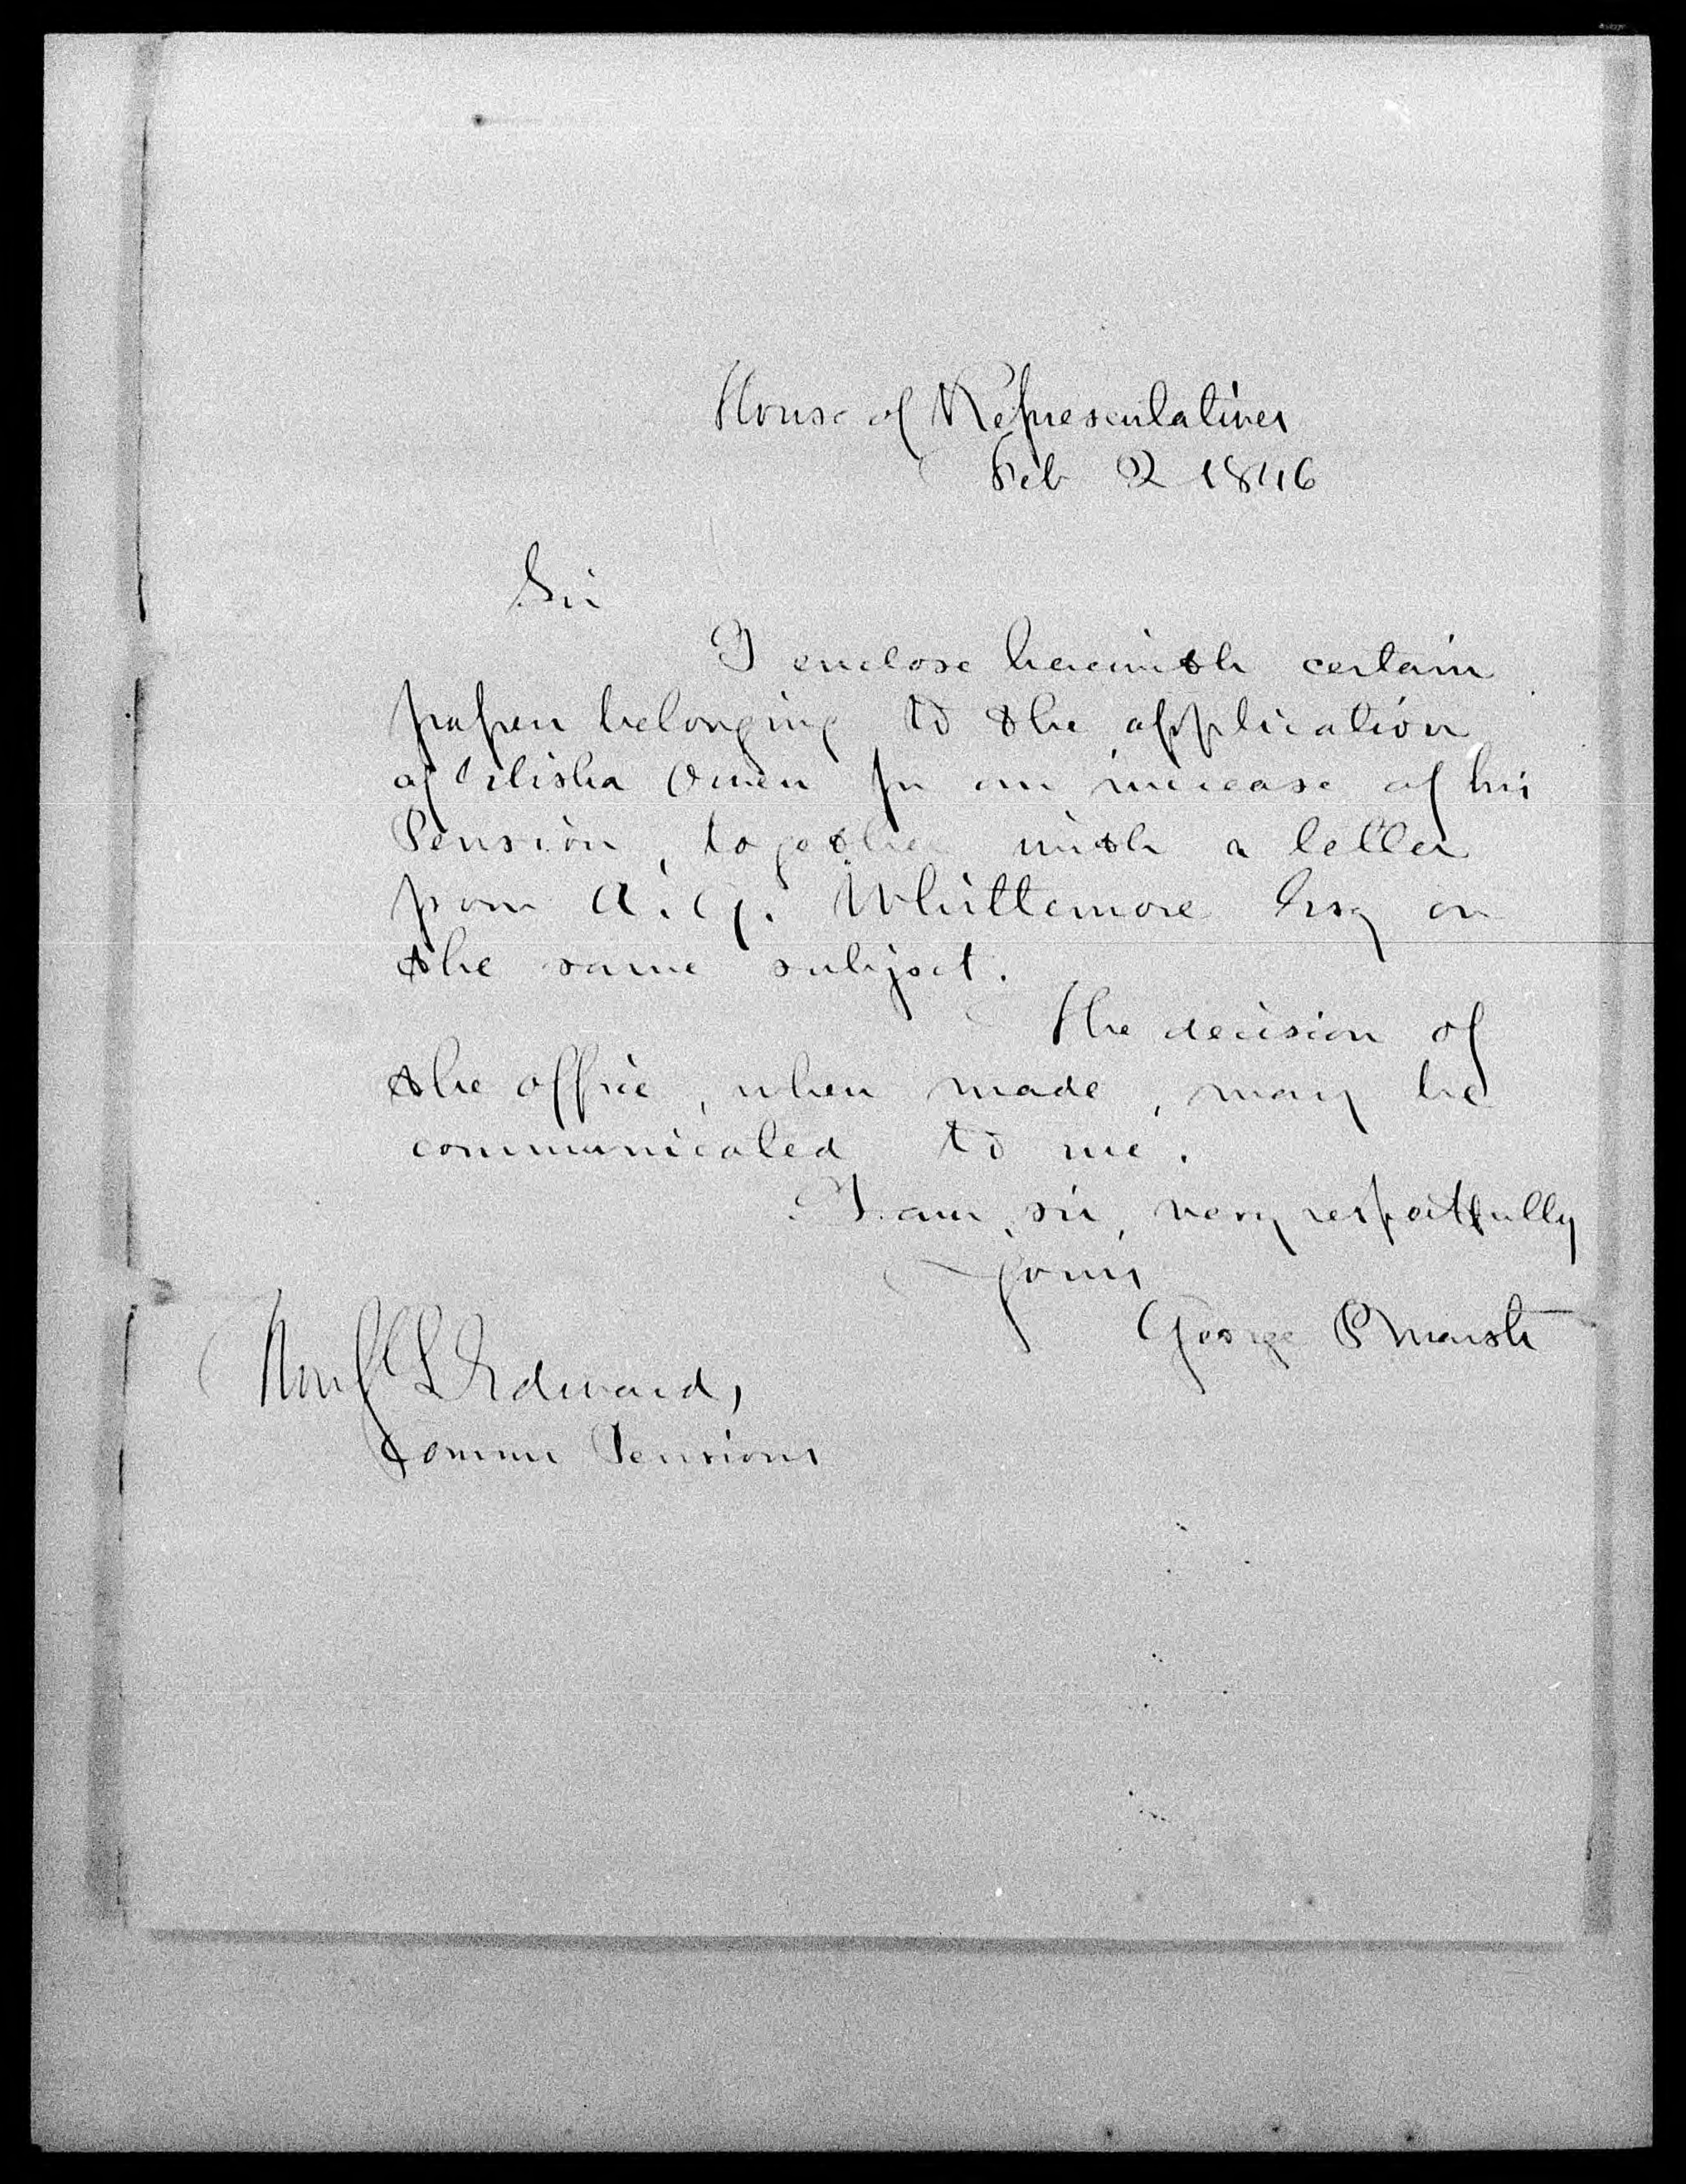House of Representatives
Feb 2 1846

Sir

I enclose hereinwith certain papers belonging to the application of Elisha Owen for an increase of his Pension together with a litter from A. G. Whittemore from on the same subject.

The decision of the office, when  made, may be communicated to me.
I am, sir, very respectfully yours.
George S Mensh

[signed] [illegible] Stedward,
Comm [illegible]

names: A G Whittemore; J L Edwards; Elisha Owen; George P Marsh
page: 20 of 23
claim: survivor's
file: S 14072, for Elisha Owen, Vermont